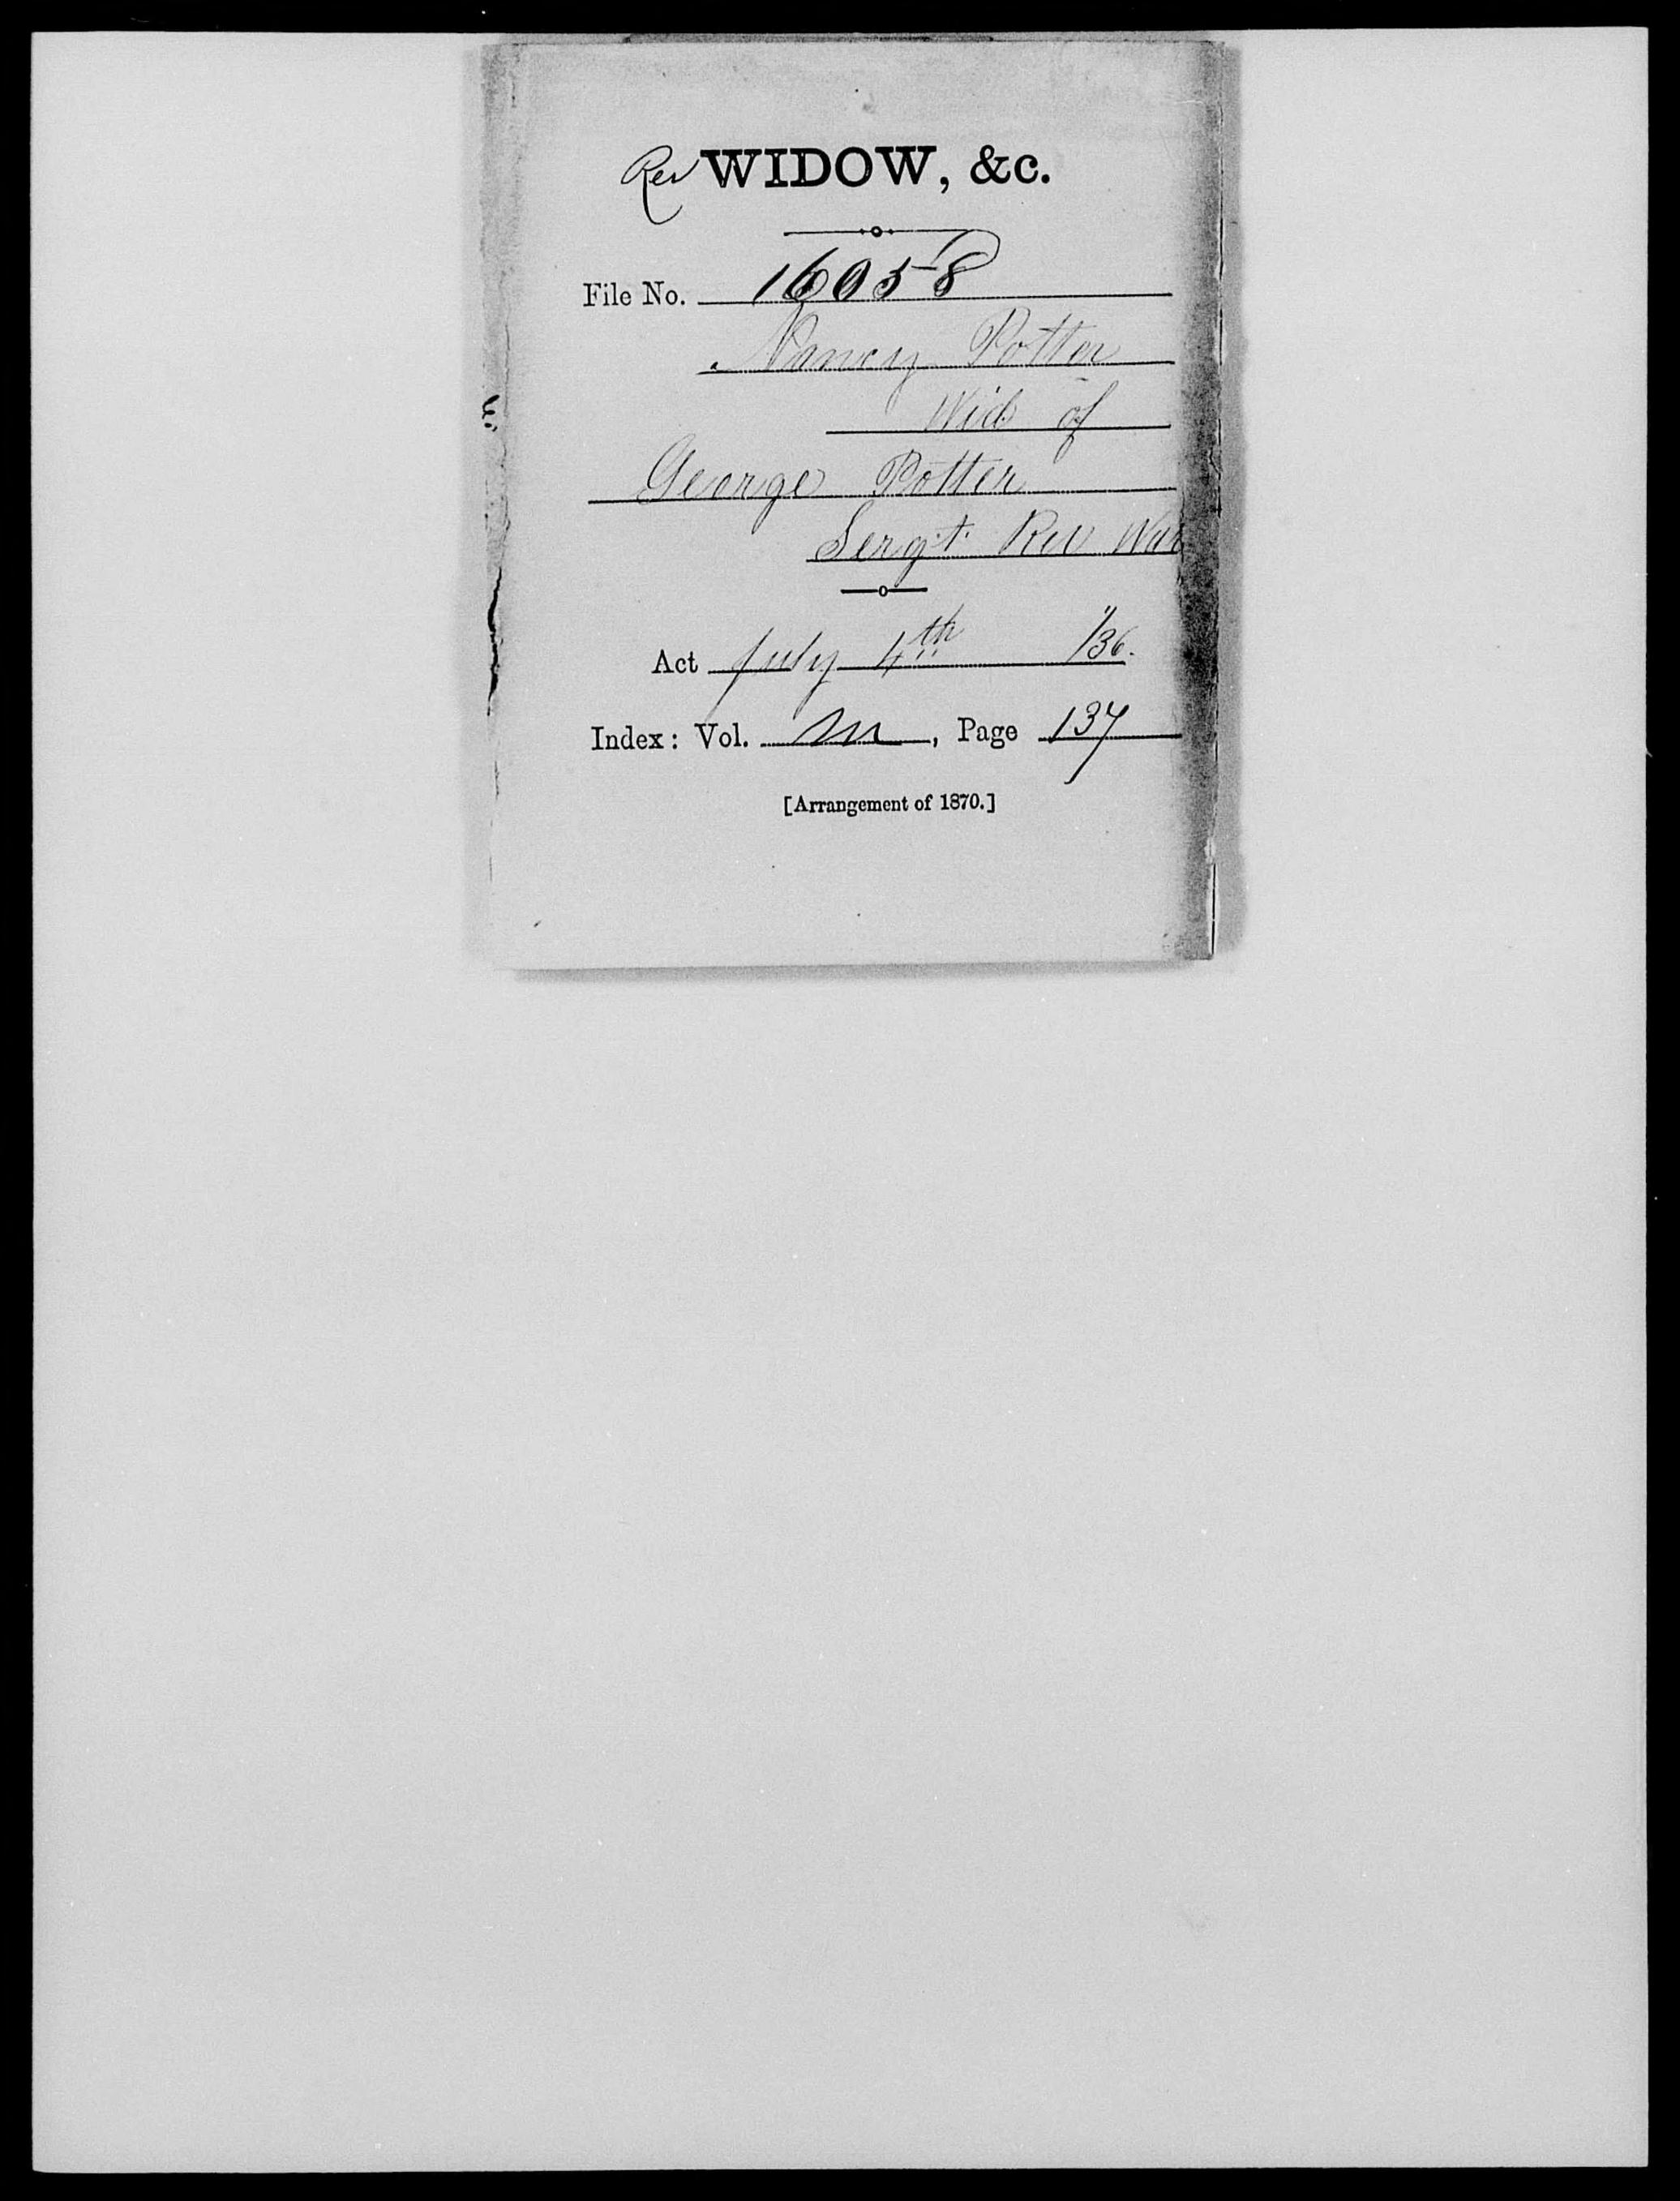WIDOW, &c
File No. 16058
Nancy Potter Wid of George Potter Sergt Rev War
Act July 4th '/36
Index: Vol M, Page 134
[Arrangement of 1870]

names: Nancy Potter; George Potter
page: 24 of 40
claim: widow's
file: W. 16058, for George Potter, Rhode Island